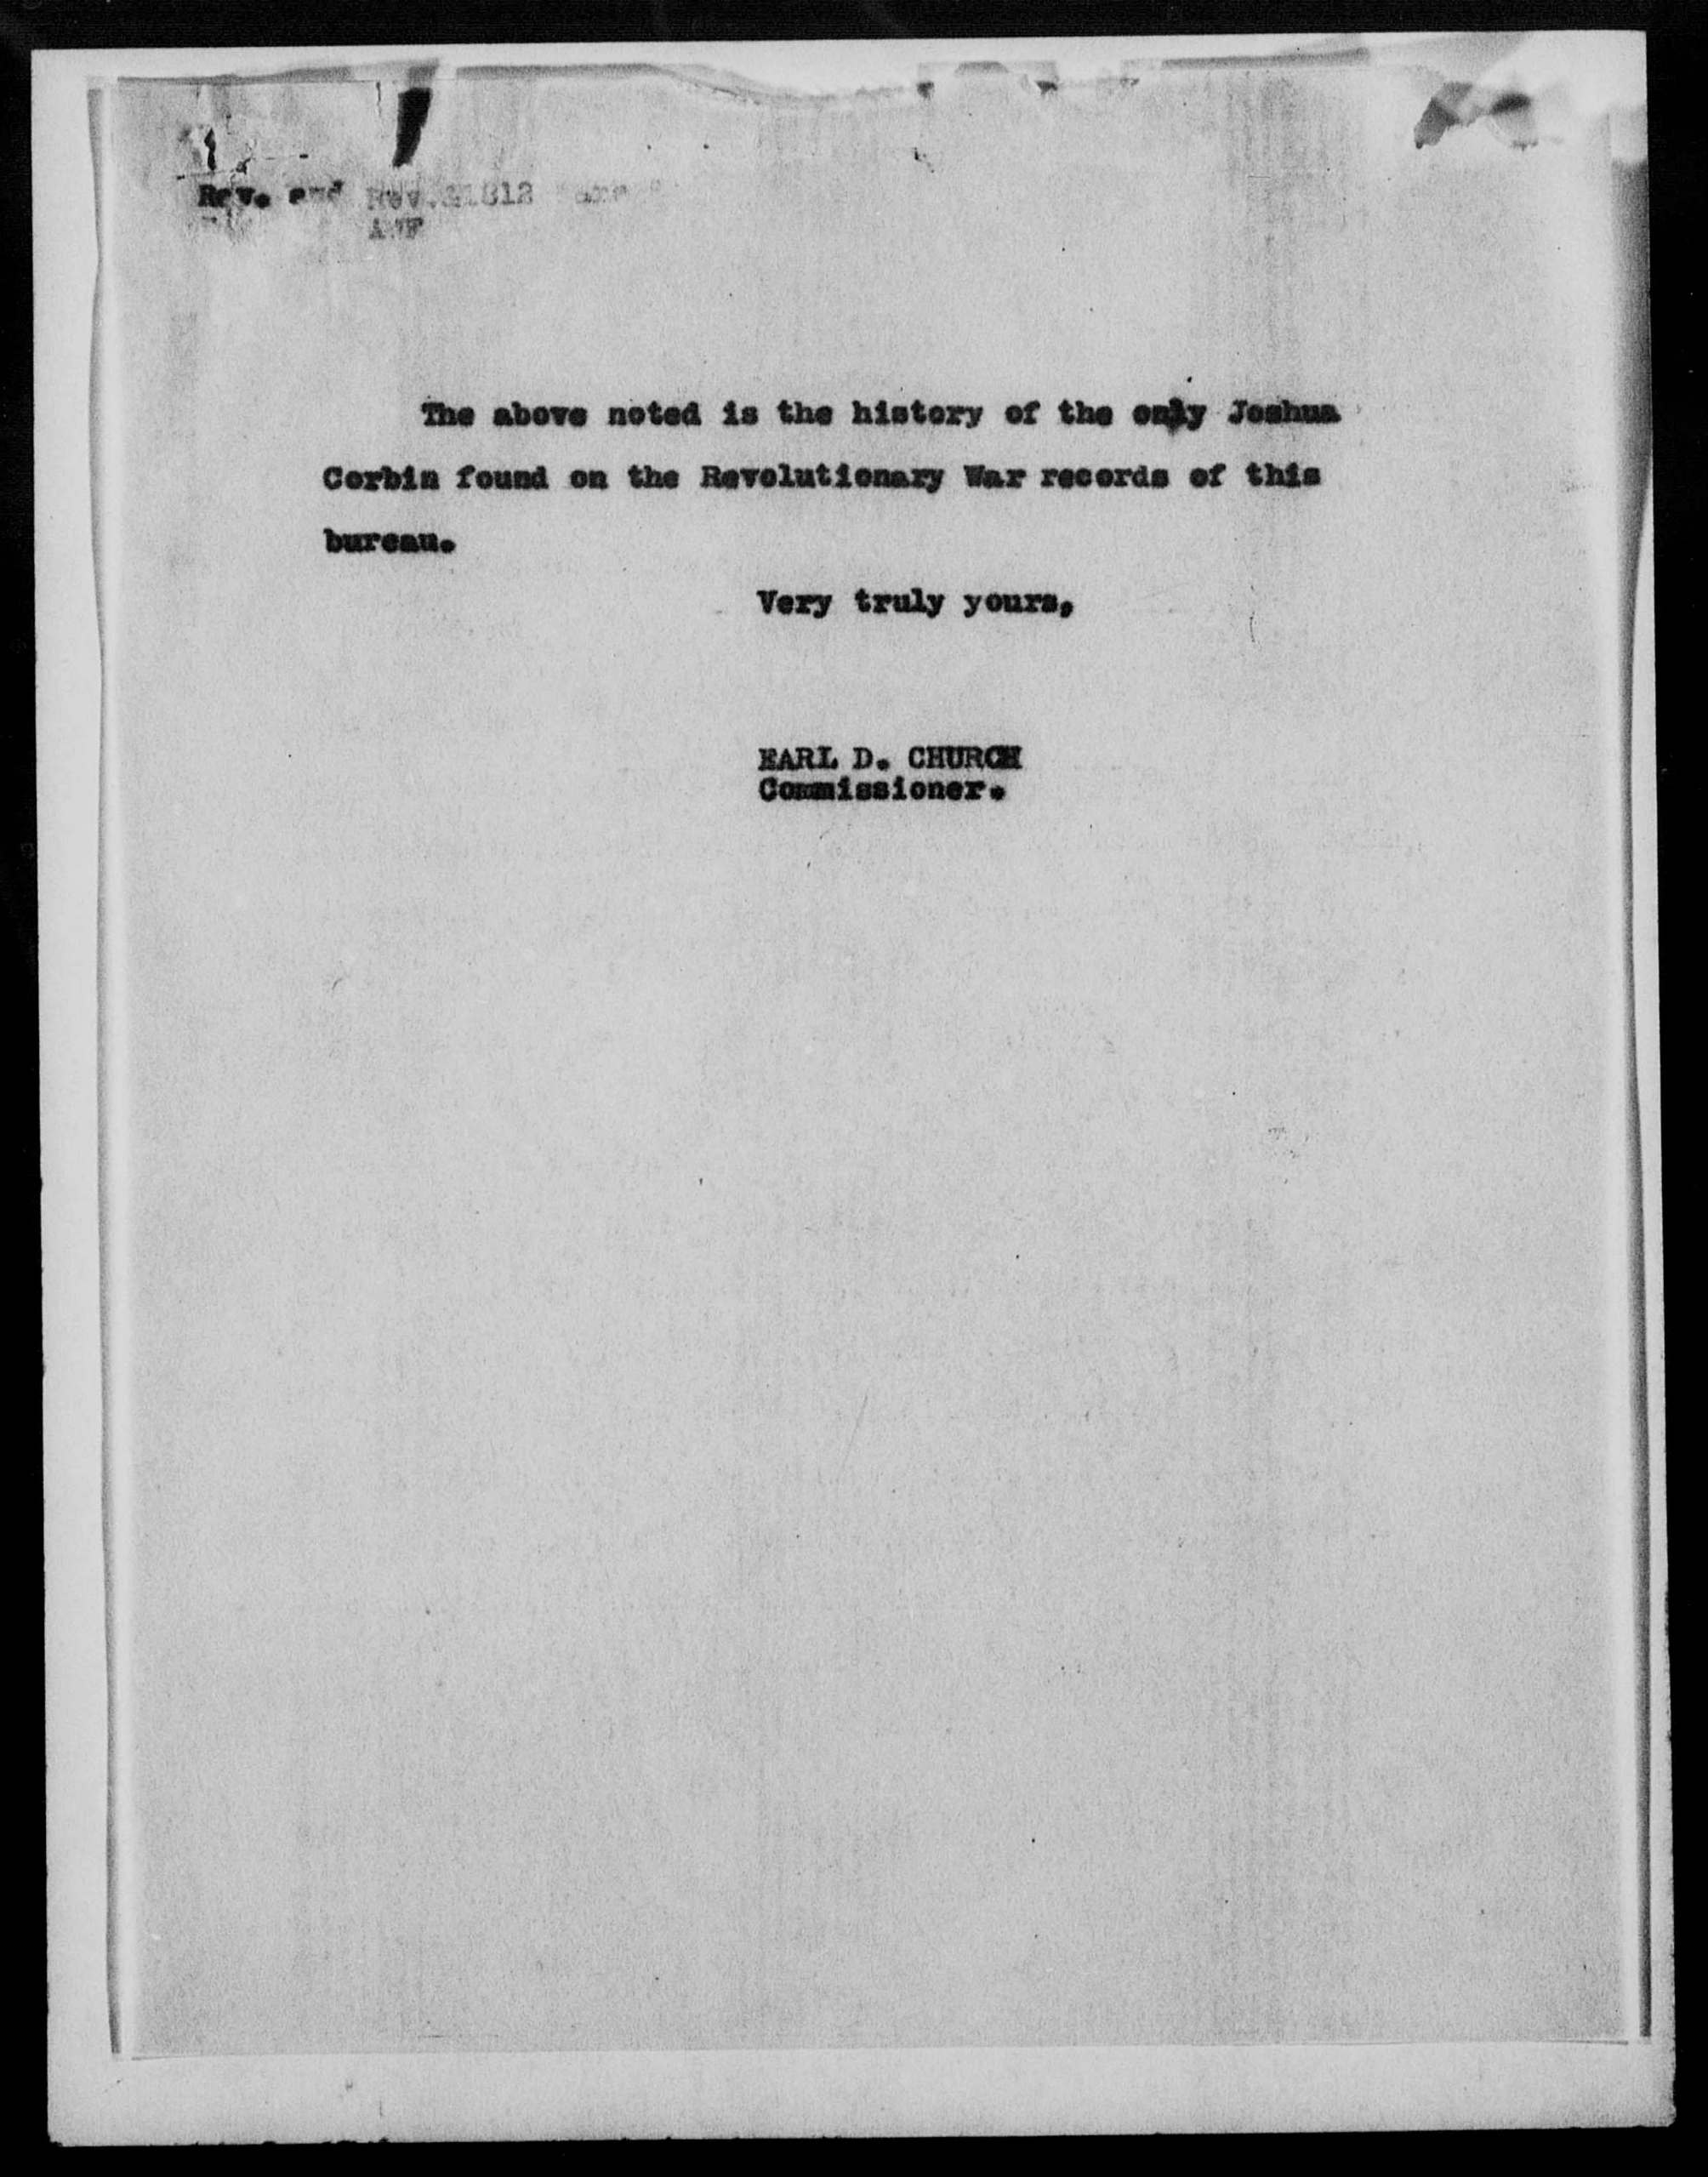the above noted is the history of the only Joshua Corbin found on the Revolutionary War records of this bureau.
Very truly yours,

KARL D. CHURCH
Commissioner.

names: Earl D Church, Joshua Corbin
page: 9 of 34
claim: survivor's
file: S. 12581, Joshua Corbin, Mass.